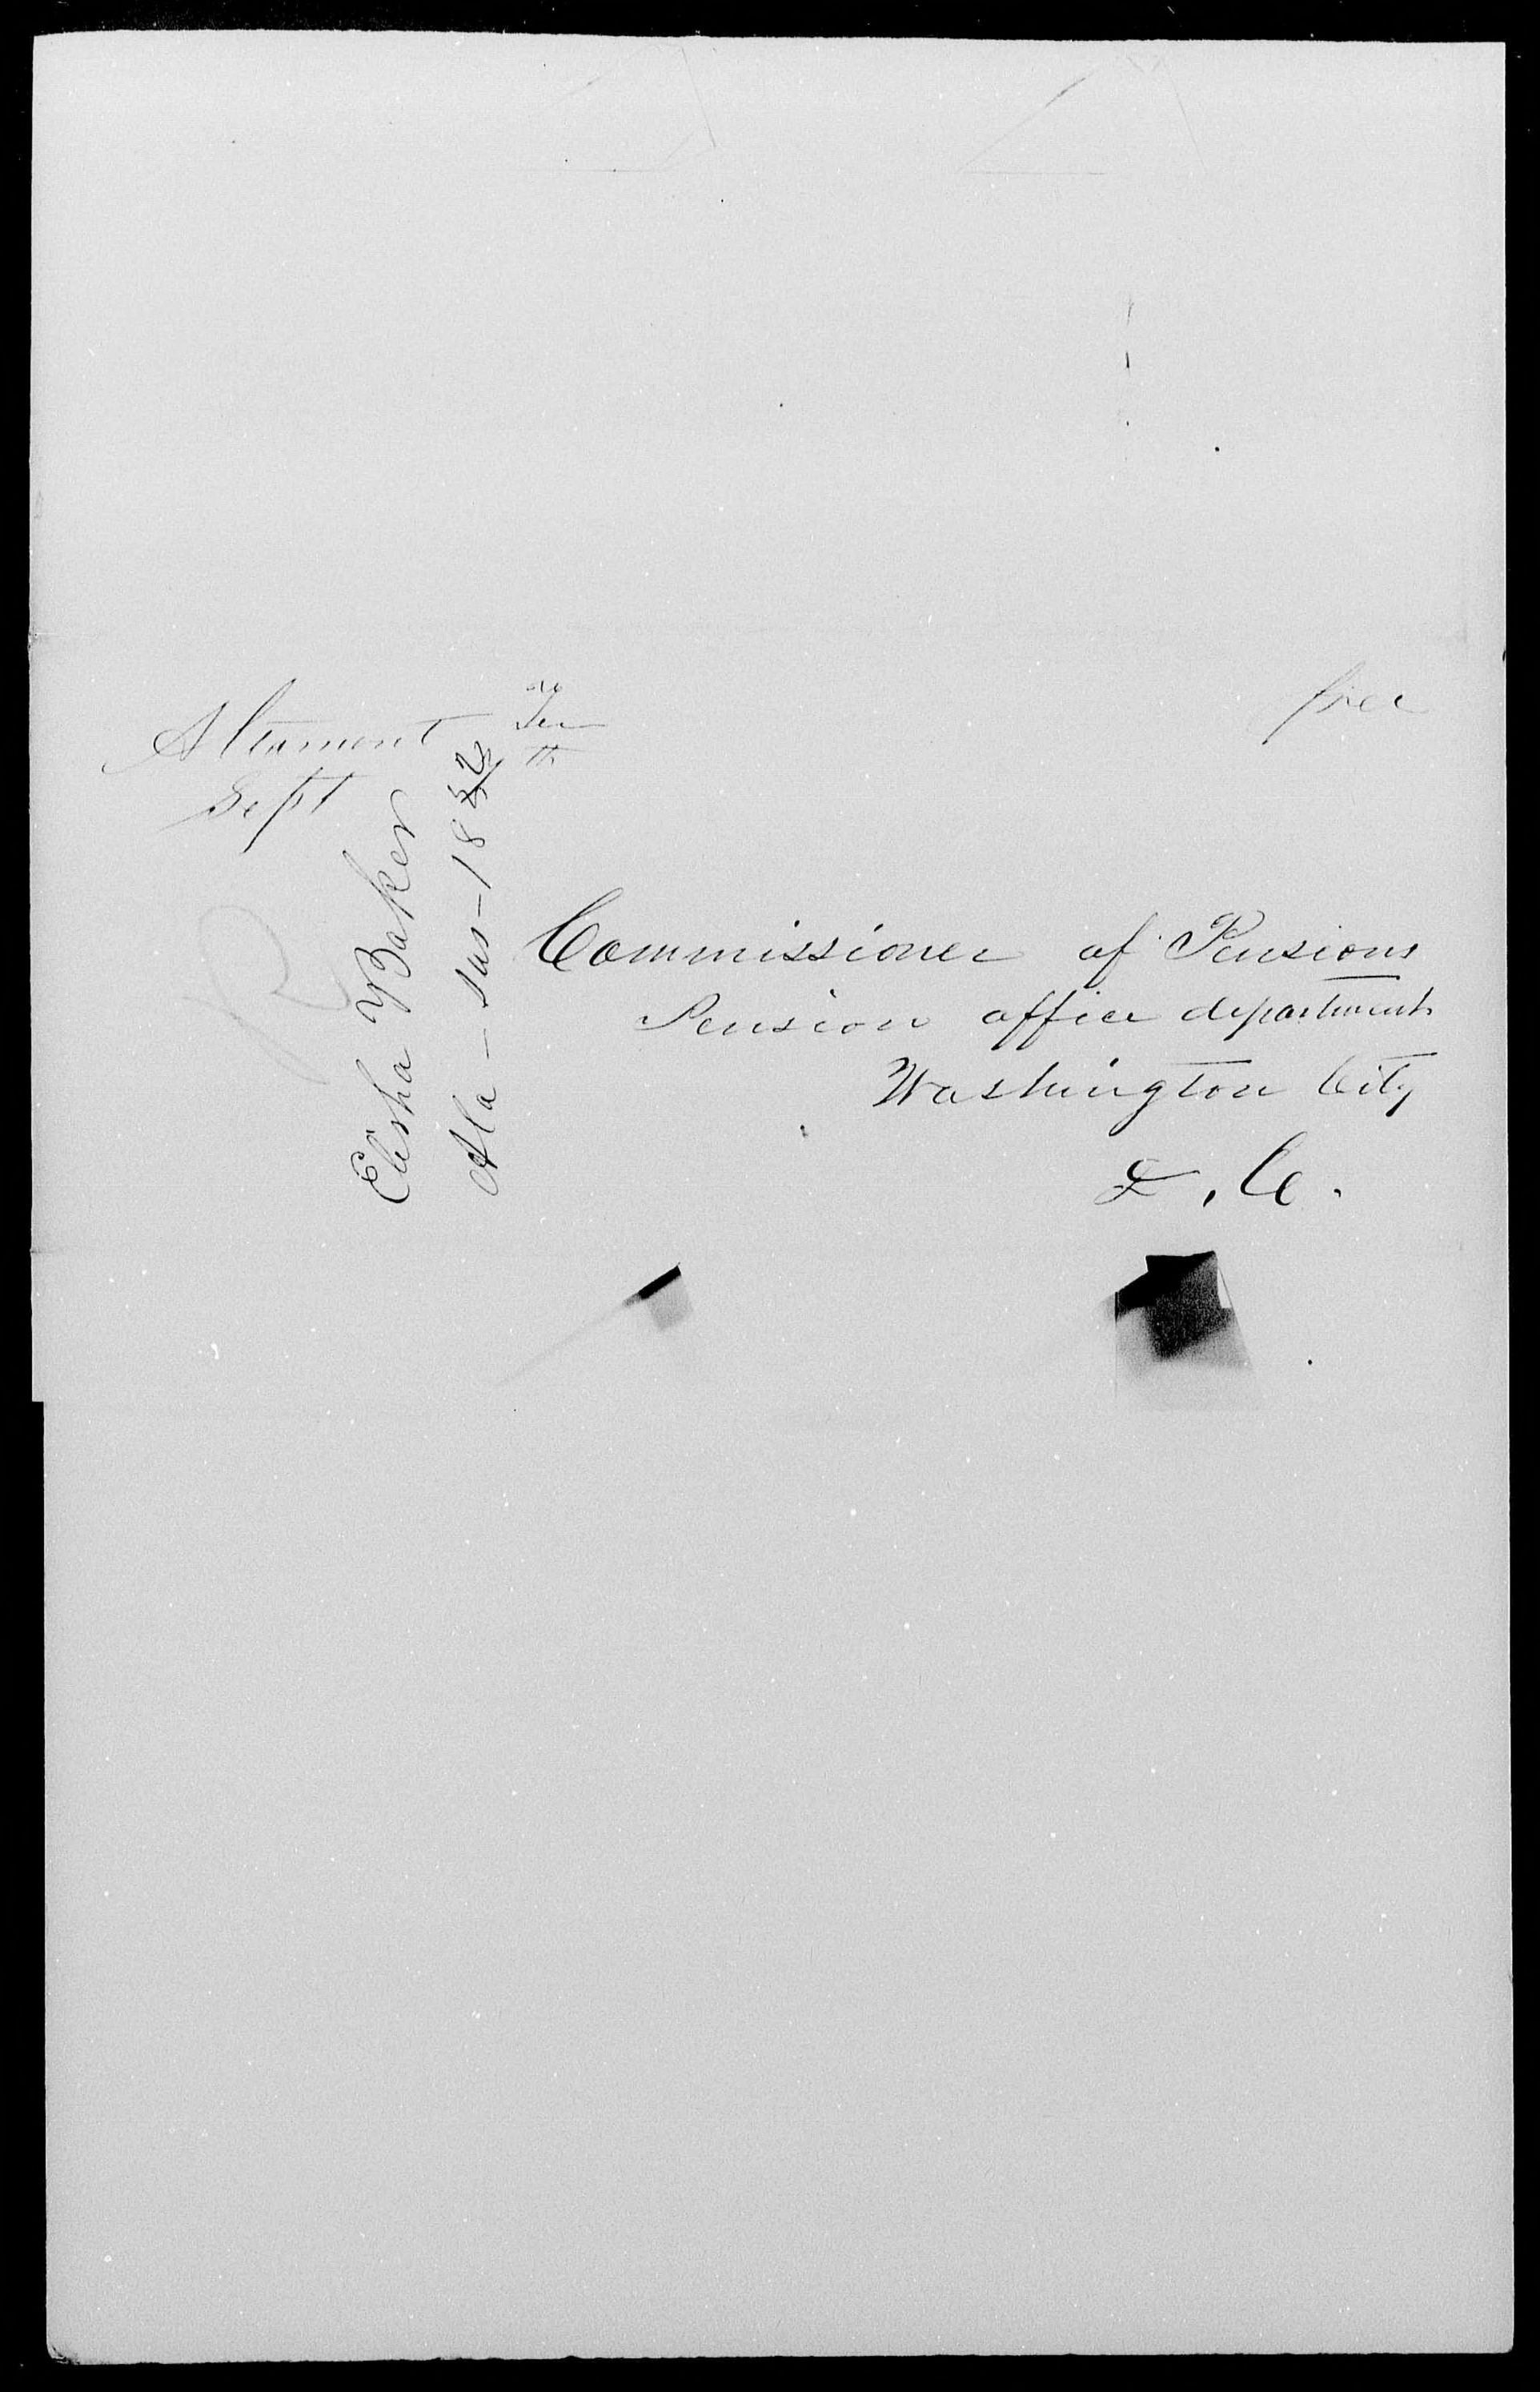Altamont Ten[Tennessee]
free
Sept [illegible] th

Elisha Baker
Ala - sus - 1832
Commissioner of Pensions
Pension office department
Washington City
D.C.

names: Elisha Baker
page: 22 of 22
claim: rejected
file: R. 411, Elisha Baker, N.C.